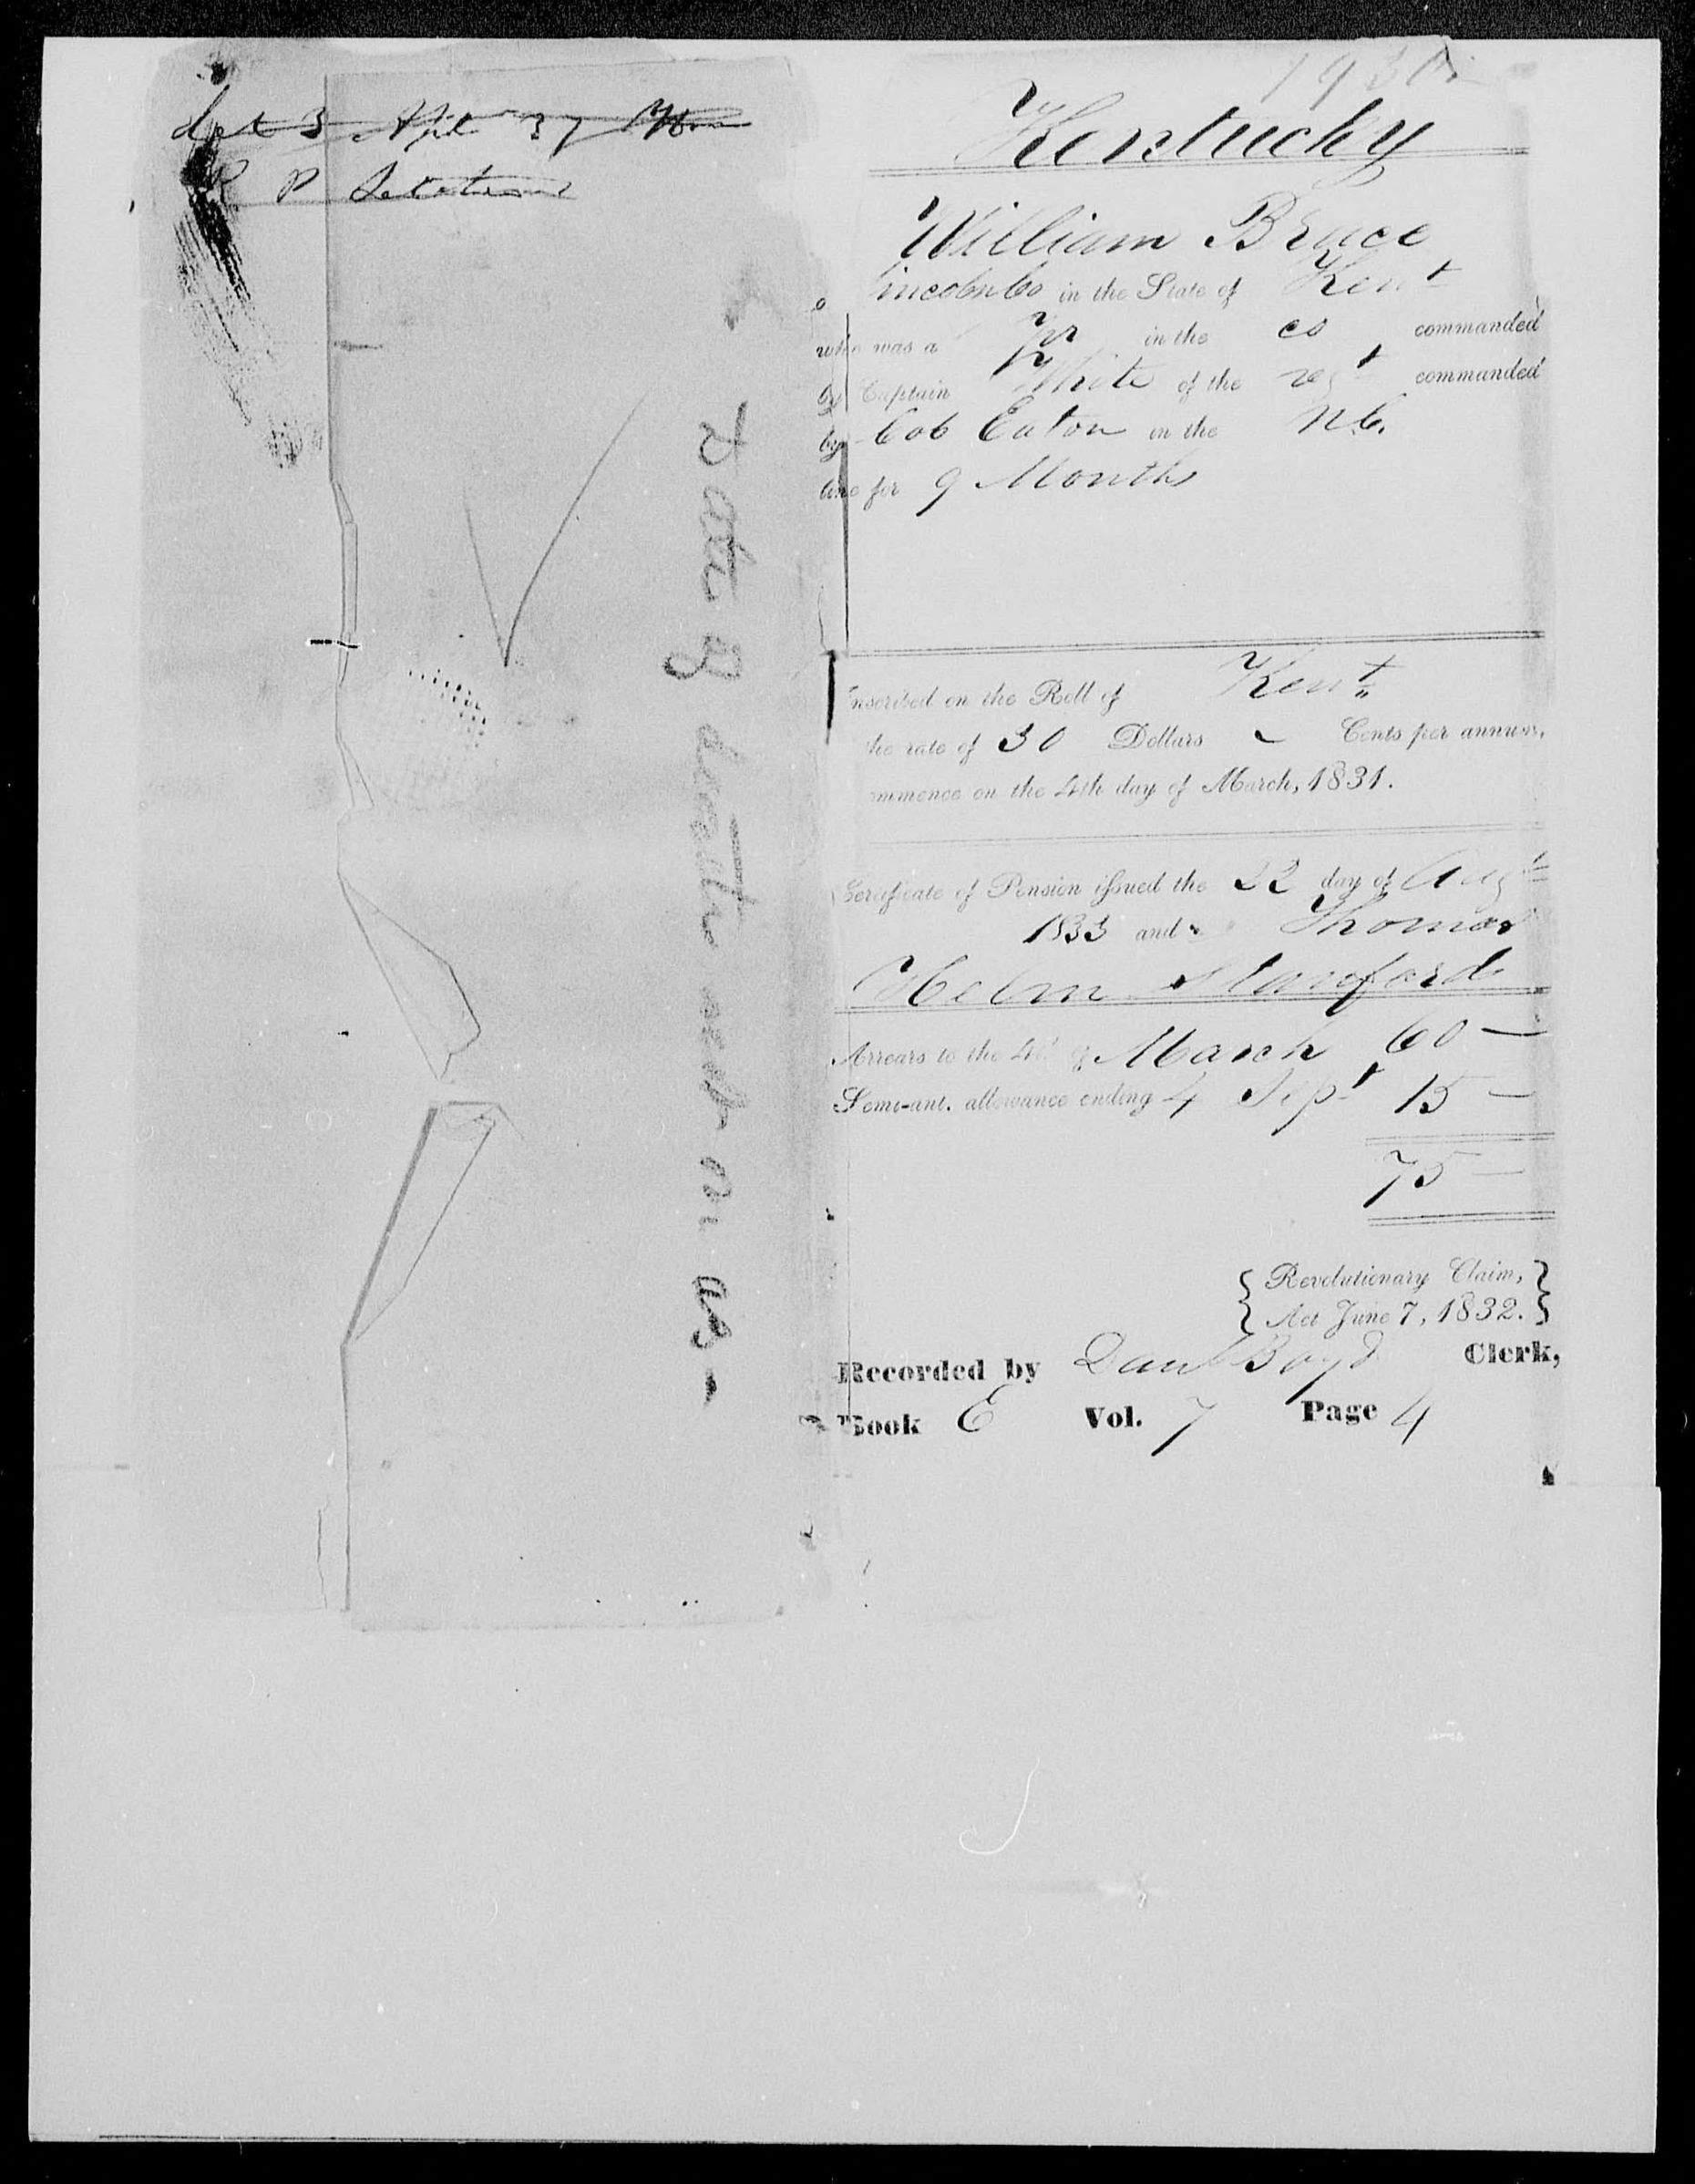[typed form, with handwritten responses]

[left side of page] [Illegible words crossed out]
[written sideways] Date of death not on AB

[right side of page] 1930
Kentucky
William Bruce
of Lincoln Co. in the State of Kent. [Kentucky]
who was a prv [Private] in the co [Company] commanded
by Captain White of the regt [Regiment] commanded by Col. Eaton in the N. C.
line for 9 months

Inscribed on the Roll of Kent. [Kentucky]
at the rate of 30 Dollars - Cents per annum,
to commence on the 4th day of March 1831.

Certificate of Pension issued the 22 day of Augt [August] 1833 and [sent to] Thomas Helm Stanford

Arrears to the 4th of March  60--
Semi=anl. [annual] allowance ending 4 Sept.  15--
75—

{Revolutionary Claim}
{Act June 7, 1832}

Recorded by Danl Boyd, Clerk
Book E Vol. 7 Page 4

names: R P Letcher, Eaton, Thomas Helm, William Bruce, Danl Boyd, White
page: 2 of 54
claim: survivor's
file: S. 30287, William Bruce, N.C.